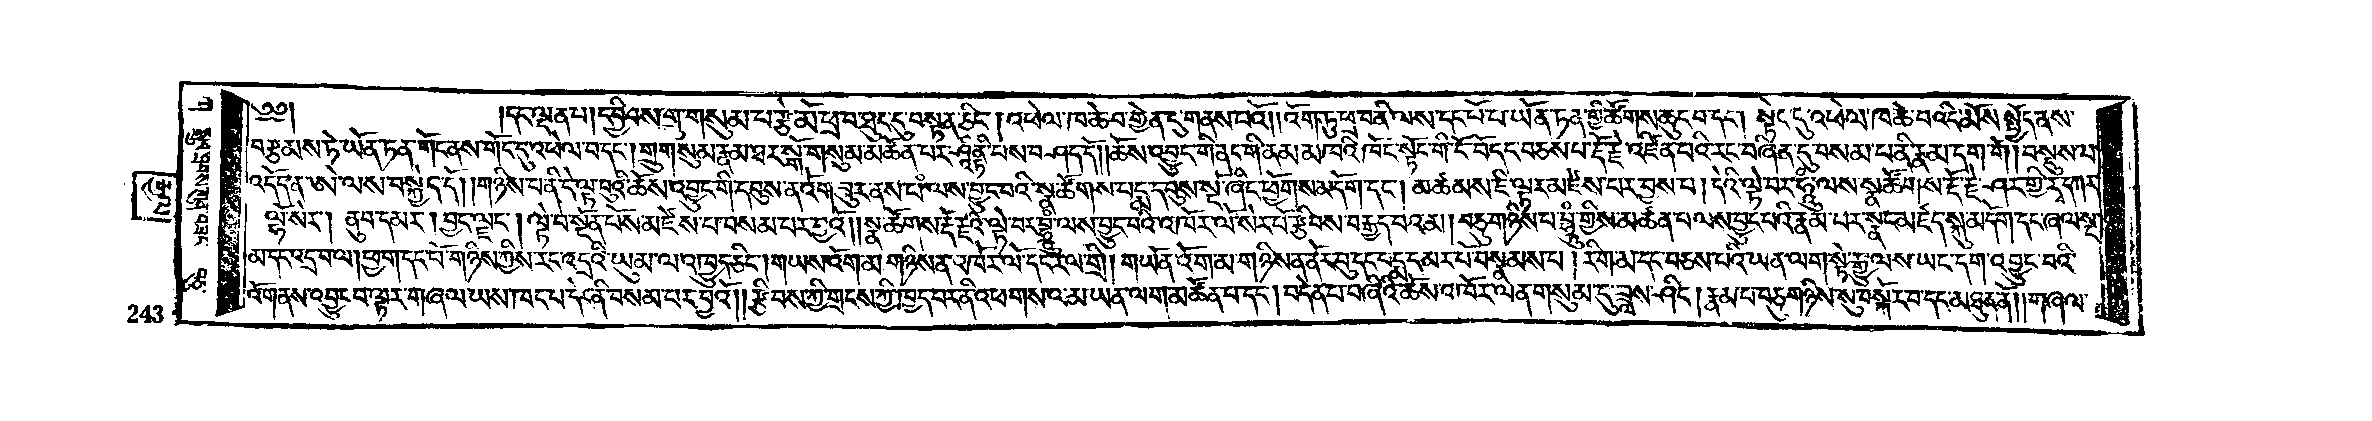༄༅། །དང་ལྡན་པ། དབྱིབས་གྲུ་གསུམ་པ་རྩེ་མོ་ཕྲ་བ་ཐུང་དུ་བསྟན་ཅིང་། འཕེལ་ཁ་ཆེ་བ་གྱེན་དུ་གནས་པའོ། །འོག་ཏུ་ཕྲ་བ་ནི་ལས་དང་པོ་པ་ཡོན་ཏན་གྱི་ཚོགས་ཆུང་བ་དང་། སྟེང་དུ་འཕེལ་ཁ་ཆེ་བ་འདི་མོས་སྤྱོད་ནས་
བརྩམས་ཏེ་ཡོན་ཏན་གོང་ནས་གོང་དུ་འཕེལ་བ་དང་། གྲུ་གསུམ་རྣམ་ཐར་སྒོ་གསུམ་མཚོན་པར་ཤཱིནཏི་པས་བཤད་དོ། །ཆོས་འབྱུང་གི་ནང་གི་ནམ་མཁའི་ཁོང་སྟོང་གི་ངོ་བོ་དང་བཅས་པ་རྡོ་རྗེ་འཛིན་པའི་རང་བཞིན་དུ་བསམ་པ་ནི་རྣམ་དག་གོ །བསྡུས་པ་
འདོད་ན་ཨེ་ལས་བསྐྱེད་དོ། །གཉིས་པ་ནི་དེ་ལྟ་བུའི་ཆོས་འབྱུང་གི་དབུས་ན་འོག་ཟུར་ནས་པཾ་ལས་བྱུང་བའི་སྣ་ཚོགས་པདམ་དབུས་སྔོ་ཞིང་ཕྱོགས་མདོག་དང་། མཚམས་ཇི་ལྟར་མཛེས་པར་བྱས་པ། དེའི་ལྟེ་བར་ཧཱུཾ་ལས་སྣ་ཚོགས་རྡོ་རྗེ་ཤར་གྱི་རྭ་དཀར་
ལྷོ་སེར། ནུབ་དམར། བྱང་ལྗང་། ལྟེ་བ་སྔོན་པོས་མཛེས་པ་བསམ་པར་བྱའོ། །སྣ་ཚོགས་རྡོ་རྗེའི་ལྟར་བར་བྷཱུཾ་ལས་བྱུང་བའི་འཁོར་ལོ་སེར་པོ་རྩིབས་བརྒྱད་པའམ། །བཅུ་གཉིས་པ་བྷཱུཾ་གྱིས་མཚན་པ་ལས་བྱུང་བའི་རྣམ་པར་སྣང་མཛད་སྐུ་མདོག་དང་ཞལ་སྔ་
མ་དང་འདྲ་བ་ལ། ཕྱག་དང་པོ་གཉིས་ཀྱིས་རང་འདྲའི་ཡུམ་ལ་འཁྱུད་ཅིང་། གཡས་འོག་མ་གཉིས་ན་འཁོར་ལོ་དང་རལ་གྲི་།གཡོན་འོག་མ་གཉིས་ན་ནོར་བུ་དང་པདམ་དམར་པོ་བསྣམས་པ། རིག་མ་དང་བཅས་པའི་ཡན་ལག་སྟེ་རྒྱུ་ལས་ཡང་དག་འབྱུང་བའི་
འོག་ནས་འབྱུང་བ་ལྟར་གཞལ་ཡས་ཁང་པ་དེར་ནི་བསམ་པར་བྱའོ། །རྩིབས་ཀྱི་གྲངས་ཀྱི་ཁྱད་པར་ནི་འཕགས་ལམ་ཡན་ལག་མཚོན་པ་དང་། བདེན་པ་བཞིའི་ཆོས་འཁོར་ལན་གསུམ་དུ་ཟླས་ཤིང་། རྣམ་པ་བཅུ་གཉིས་སུ་བསྐོར་བ་དང་མཐུན་ནོ། །གཞལ་